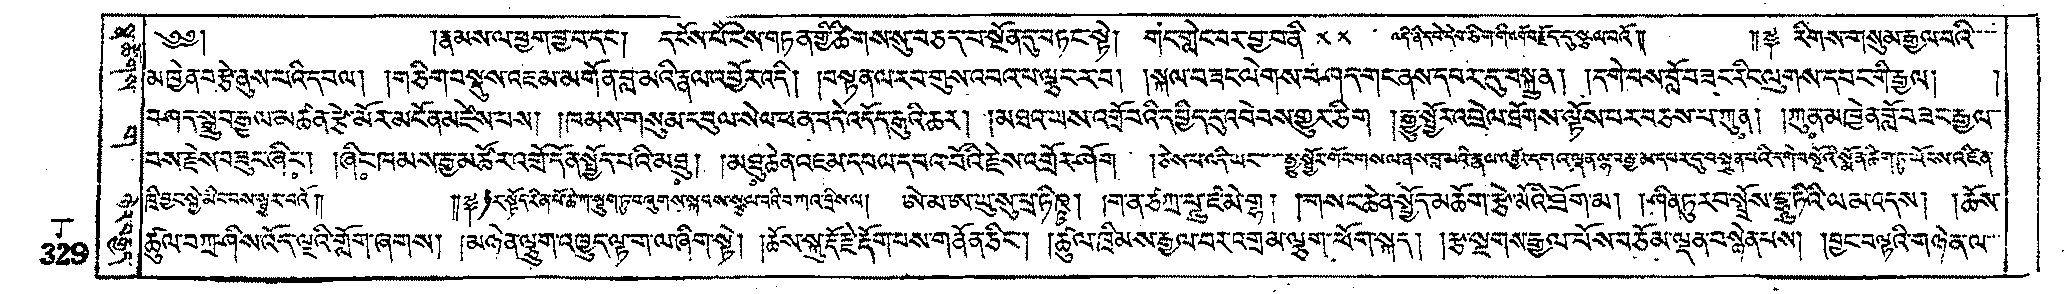༄༅། །རྣམས་ལ་ཕྱག་བྱ་བ་དང་། དངོས་པོ་ངེས་གཏན་གྱི་ཚིགས་སུ་བཅད་པ་སྔོན་དུ་བཏང་སྟེ། གང་གླེང་བར་བྱ་བ་ནི་྾་྾་འདི་ནི་དཔེ་དེབ་ཅིག་གི་འགོ་བརྗོད་དུ་སྩལ་བའོ།།  །།འ་རིགས་གསུམ་རྒྱལ་བའི་་་
མཁྱེན་བརྩེ་ནུས་པའི་དཔལ། །གཅིག་བསྡུས་འཇམ་མགོན་བླ་མའི་རྣལ་འབྱོར་འདི། །བསྟན་ལ་རབ་གུས་འབའ་པ་ལྕང་ར་བ། །སྐལ་བཟང་ལེགས་བཤད་གང་ནས་དཔར་དུ་བསྐྲུན། །དགེ་བས་བློ་བཟང་རིང་ལུགས་དབང་གི་རྒྱལ། །
བཤད་སྒྲུབ་རྒྱལ་མཚན་རྩེ་མོར་མངོན་མཛེས་པས། །ཁམས་གསུམ་དབུལ་སེལ་ཕན་བདེ་འདོད་རྒུའི་ཆར། །མཐའ་ཡས་འགྲོ་བའི་དཔྱིད་དུ་འབེབས་གྱུར་ཅིག །རྒྱུ་སྦྱོར་འབྲེལ་ཐོགས་ལྟོས་པར་བཅས་པ་ཀུན྾། །ཀུན྾་མཁྱེན་བློ་བཟང་རྒྱལ་་་
བས་རྗེས་བཟུང་ཞིང྾། །ཞིང྾་ཁམས་རྒྱ་མཚོར་འགྲོ་དོན་སྤྱོད་པའི་མཐུ྾། །མཐུ྾་ཆེན་འཇམ་དཔལ་དཔའ་བོའི་རྗེས་འགྲོར་ཤོག །ཅེས་པ་འདི་ཡང་་་རྒྱུ་སྦྱོར་གོང་གསལ་ནས་བླ་མའི་རྣལ་འབྱོར་དགའ་ལྡན་ལྷ་བརྒྱ་མ་དཔར་དུ་བསྐྲུན་པའི་དགེ་བསྔོའི་སྨོན་ཚིག་ཏུ་ཡོངས་འཛིན་
ཁྲི་བྱང་སྐྱེ་མིང་བས་སྦྱར་བའོ།། །།འ་ར་སྟོད་རིན་པོ་ཆེ་ཀ་སྦུག་ཏུ་བཞུགས་སྐབས་སྩལ་བའི་བཀའ་བྲིས་ལ། ཨེ་མ་ཨ་ཡུ་སུ་པྲ་ཏི་ཥཊཿཨ། །ག་ན་ཙ་ཀྲ་པཱུ་ཛ་མེ་གྷ། །གསང་ཆེན་སྤྱོད་མཆོག་རྩེ་མོའི་ཐོག་མ། །ཤིན་ཏུ་རབ་སྤྲོས་དྷཱུ་ཏིའི་ལམ་འདས། །ཆོས་
ཚུལ་བཀྲ་ཤིས་འོད་ལྔའི་གློག་ཞགས། །མཉེན་ལྕུག་འཁྱུད་ལྟ་ག་ལ་ཞིག་སྟེ། །ཆོས་སྐུ་རྡོ་རྗེ་རྡོག་པས་གནོན་ཅིང་། །ཚུལ་ཁྲིམས་རྒྱལ་བར་འགྲམ་ལྕག་ཕོག་སྐད། །རྩ་སྔགས་རྒྱལ་པོས་བཅོམ་ལྡན་བསྙེན་པས། །བྱང་བལྟའི་གཉེན་ལ་་་